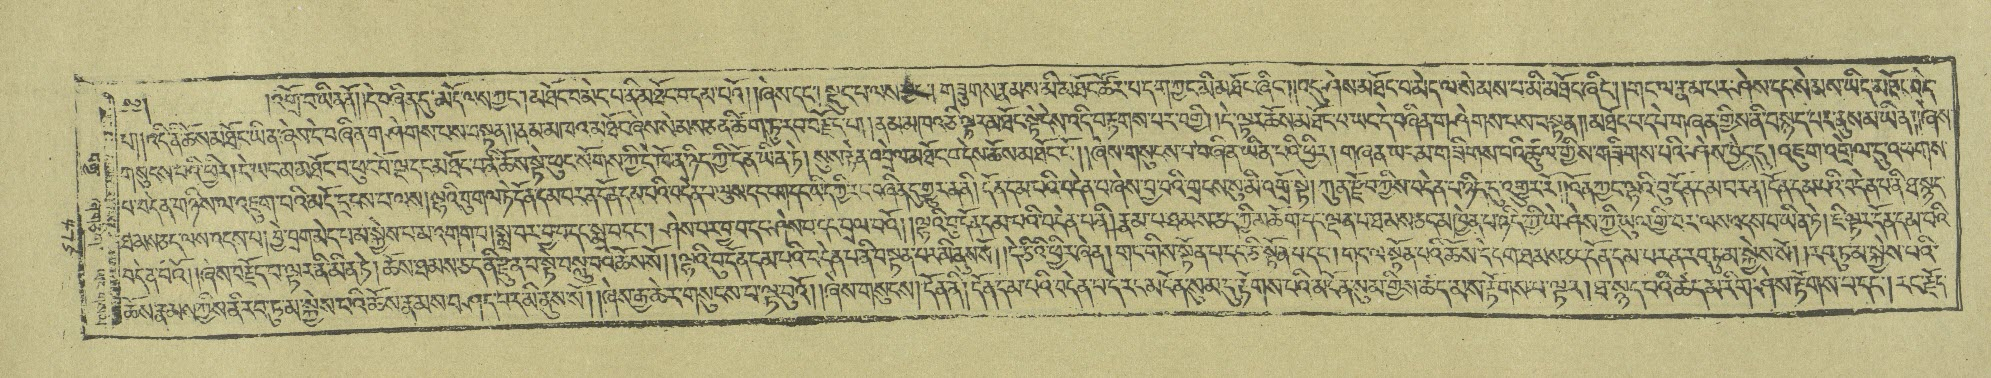༄༅། །འགྲོ་བ་ཡིན་ནོ། །དེ་བཞིན་དུ། མདོ་ལས་ཀྱང་། མཐོང་བ་མེད་པ་ནི་མཐོང་བ་དམ་པའོ། །ཞེས་དང་། སྡུད་པ་ལས་ཀྱང་། གཟུགས་རྣམས་མི་མཐོང་ཚོར་བ་དག་ཀྱང་མི་མཐོང་ཞིང་། །འདུ་ཤེས་མཐོང་བ་མེད་ལ་སེམས་པ་མི་མཐོང་ཞིང་། །གང་ལ་རྣམ་པར་ཤེས་དང་སེམས་ཡིད་མཐོང་མོང་
བ། །འདི་ནི་ཆོས་མཐོང་ཡིན་ཞེས་དེ་བཞིན་གཤེགས་པས་བསྟན། །ནམ་མཁའ་མཐོང་ཞེས་སེམས་ཅན་ཚིག་ཏུ་རབ་བརྗོད་པ། །ནམ་མཁའ་ཅི་ལྟར་མཐོང་སྟེ་དེས་འདི་བརྟགས་པར་བགྱི། །དེ་ལྟར་ཆོས་མཐོང་བ་ཡང་དེ་བཞིན་གཤེགས་པས་བསྟན། །མཐོང་བ་དཔེ་གཞན་གྱིས་ནི་བསྙད་པར་ནུས་མ་ཡིན། །ཞེས་
གསུངས་པའི་ཕྱིར། དེ་ཡང་མ་མཐོང་བ་ཕུང་པོ་ལྔ་དང་མཐོང་བ་ནི་ཆོས་སྟེ་ཕུང་སོགས་ཀྱི་དེ་ཁོ་ན་ཉིད་ཀྱི་དོན་ཡིན་ཏེ། སུས་རྟེན་འབྲེལ་མཐོང་བ་དེས་ཆོས་མཐོང་ངོ། །ཞེས་གསུངས་པ་བཞིན་ཡིན་པའི་ཕྱིར། གཞན་ཡང་མ་གཟིགས་པའི་ཚུལ་གྱིས་གཟིགས་པའི་ཤེས་བྱེད་དུ། འཇུག་འགྲེལ་དུ་འཕགས་
པ་བདེན་གཉིས་ལ་འཇུག་པའི་མདོ་དྲངས་པ་ལས། ལྷའི་བུ་གལ་ཏེ་དོན་དམ་པར་ན་དོན་དམ་པའི་བདེན་པ་ལུས་དང་ངག་དང་ཡིད་ཀྱི་རང་བཞིན་དུ་གྱུར་ན་ནི། དོན་དམ་པའི་བདེན་པ་ཞེས་བྱ་བའི་གྲངས་སུ་མི་འགྲོ་སྟེ། ཀུན་རྫོབ་ཀྱིས་བདེན་པ་ཉིད་དུ་འགྱུར་རོ། །འོན་ཀྱང་ལྷའི་བུ་དོན་དམ་པར་ན། དོན་དམ་པའི་བདེན་པ་ནི་ཐ་སྙད་
ཐམས་ཅད་ལས་འདས་པ། བྱེ་བྲག་མེད་པ་མ་སྐྱེས་པ་མ་འགག་པ། སྨྲ་བར་བྱ་བ་དང་སྨྲ་བ་དང་། ཤེས་པར་བྱ་བ་དང་ཤེས་པ་དང་བྲལ་བའོ། །ལྷའི་བུ་དོན་དམ་པའི་བདེན་པ་ནི། རྣམ་པ་ཐམས་ཅད་ཀྱི་མཆོག་དང་ལྡན་པ་ཐམས་ཅད་མཁྱེན་པ་ཉིད་ཀྱི་ཡེ་ཤེས་ཀྱི་ཡུལ་གྱི་བར་ལས་འདས་པ་ཡིན་ཏེ། ཇི་ལྟར་དོན་དམ་པའི་
བདེན་པའོ། །ཞེས་བརྗོད་པ་ལྟར་ནི་མིན་སྟེ། ཆོས་ཐམས་ཅད་ནི་རྫུན་པ་སྟེ་བསླུ་བའི་ཆོས་སོ། །ལྷའི་བུ་དོན་དམ་པའི་བདེན་པ་ནི་བསྟན་པར་མི་ནུས་སོ། །དེ་ཅིའི་ཕྱིར་ཞེ་ན། གང་གིས་སྟོན་པ་དང་ཅི་སྟོན་པ་དང་། གང་ལ་སྟོན་པའི་ཆོས་དེ་དག་ཐམས་ཅད་དོན་དམ་པར་ན་རབ་ཏུ་མ་སྐྱེས་སོ། །རབ་ཏུ་མ་སྐྱེས་པའི་
ཆོས་རྣམས་ཀྱིས་ནི་རབ་ཏུ་མ་སྐྱེས་པའི་ཆོས་རྣམས་བཤད་པར་མི་ནུས་སོ། །ཞེས་རྒྱ་ཆེར་གསུངས་པ་ལྟ་བུའོ། །ཞེས་གསུངས། དོན་ནི། དོན་དམ་པའི་བདེན་པ་དེ་རང་མངོན་སུམ་དུ་རྟོགས་པའི་མངོན་སུམ་གྱིས་ཚད་མས་རྟོགས་པ་ལྟར། ཐ་སྙད་པའི་ཚད་མ་རིག་ཤེས་རྟོགས་པ་དང་། རང་རྗོད་